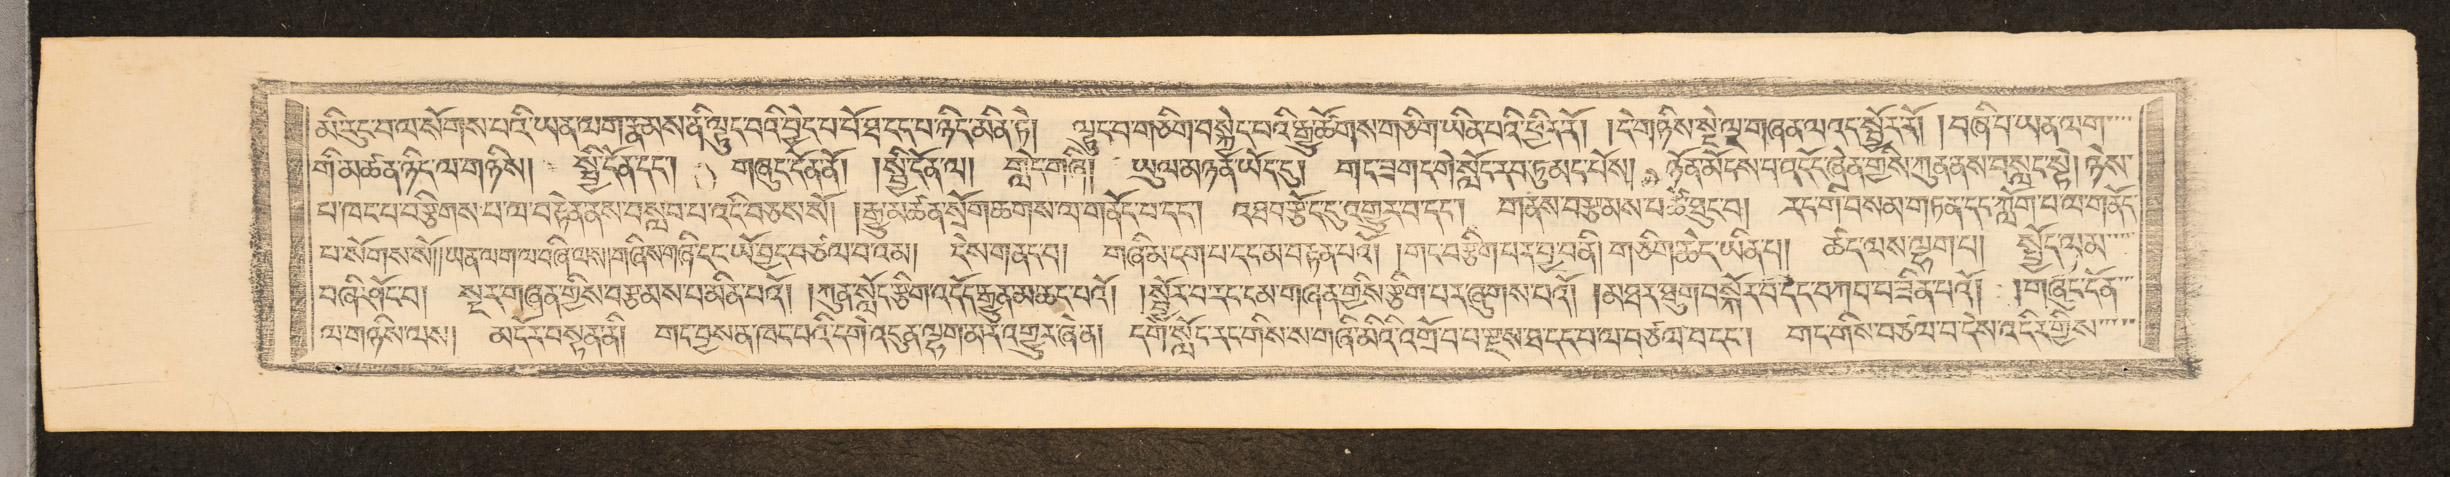མི་རུང་བ་ལ་སོགས་པའི་ཡན་ལག་རྣམས་ནི་ལྟུང་བའི་བྱེད་པ་པོ་ཐ་དད་པ་ཉིད་མིན་ཏེ། ལྟུང་བ་གཅིག་བསྐྱེད་པའི་རྒྱུ་ཚོགས་གཅིག་ཡིན་པའི་ཕྱིར་རོ། །དེ་གཉིས་སྡེ་ལྔ་གཞན་ལའང་སྦྱོར་རོ། །བཞི་པ་ཡན་ལག་
གི་མཚན་ཉིད་ལ་གཉིས། སྤྱི་དོན་དང་། གཞུང་དོན་ནོ། །སྤྱི་དོན་ལ། གླེང་གཞི། ཡུལ་མཉན་ཡོད་དུ། གང་ཟག་དགེ་སློང་རབ་ཏུ་མང་པོས། ཉོན་མོངས་པ་འདོད་ཞེན་གྱིས་ཀུན་ནས་བསླང་སྟེ། ཉེས་
པ་ཁང་པ་བརྩིགས་པ་ལ་བརྟེན་ནས་བསླབ་པ་འདི་བཅས་སོ། །རྒྱུ་མཚན་སྲོག་ཆགས་ལ་གནོད་པ་དང་། འཐབ་རྩོད་དུ་འགྱུར་བ་དང་། གནས་བརྩམས་པ་ཚེ་ཐུང་བ། རང་གི་བསམ་གཏན་དང་ཀློག་པ་ལ་གནོད་
པ་སོགས་སོ། །ཡན་ལག་ལ་བཞི་ལས། གཞིས་གཞི་དང་ཡོ་བྱད་བཙལ་བ་འམ། དེས་གནང་བ། གཞི་མ་དག་པ་དང་མ་བརྟན་པའོ། །གང་བརྩིག་པར་བྱ་བ་ནི། གཅིག་ཆེད་ཡིན་པ། ཚད་ལས་ལྷག་པ། སྤྱོད་ལམ་
བཞི་ཤོད་བ། སྔར་གཞན་གྱིས་བརྩམས་པ་མིན་པའོ། །ཀུན་སློང་རྩིག་འདོད་རྒྱུན་མ་ཆད་པའོ། །སྦྱོར་བ་རང་ངམ་གཞན་གྱིས་རྩིག་པར་ཞུགས་པའོ། །མཐར་ཐུག་བསྐོར་བ་དང་བཀབ་པ་ཟིན་པའོ། །གཞུང་དོན་
ལ་གཉིས་ལས། མདོར་བསྟན་ནི། གང་བྱས་ན་ཁང་པའི་དགེ་འདུན་ལྷག་མར་འགྱུར་ཞེ་ན། དགེ་སློང་རང་གིས་ས་གཞི་མིའི་འགྲོ་བ་པ་རྫས་ཐ་དད་པ་ལ་བཙལ་བ་དང་། གང་གིས་བཙལ་བ་དེས་འདིར་གྱིས་